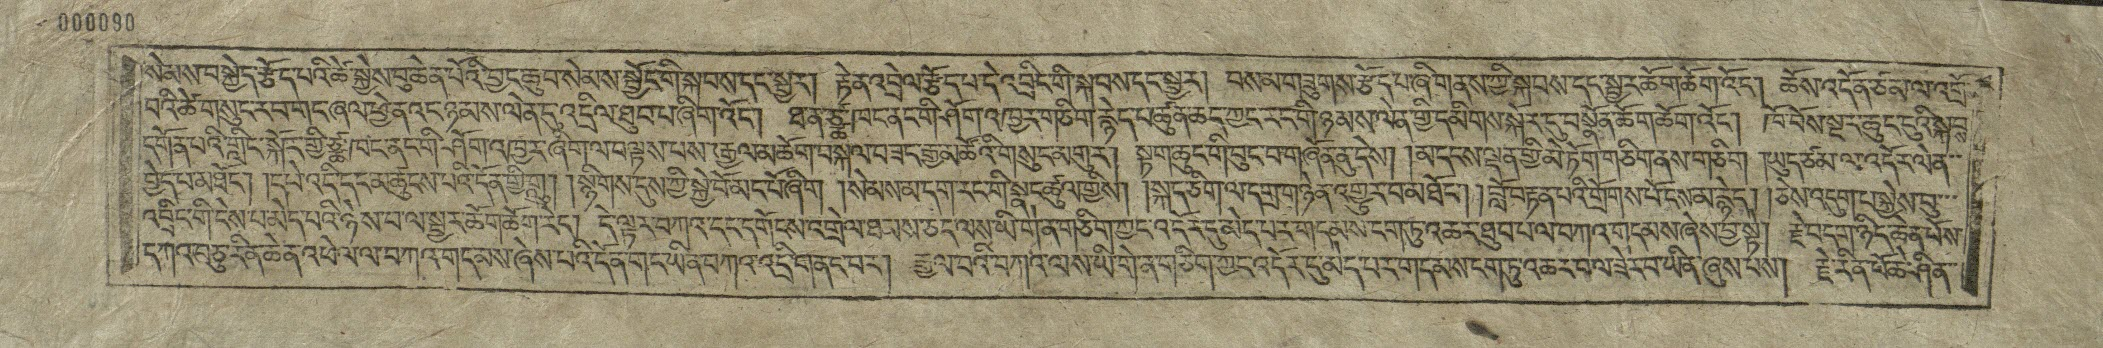སེམས་བསྐྱེད་རྩོད་པའི་ཚེ་སྐྱེས་བུ་ཆེན་པོའི་བྱང་ཆུབ་སེམས་སྦྱོང་གི་སྐབས་དང་སྦྱར། རྟེན་འབྲེལ་རྩོད་པ་དེ་འབྲིང་གི་སྐབས་དང་སྦྱར། བསམ་གཟུགས་རྩོད་པ་ཞི་གནས་ཀྱི་སྐབས་དང་སྦྱར་ཆོག་ཆོག་འོང་། ཆོས་འདོན་ཙམ་ལ་འགྲོ་
བའི་ཚེ་གསུང་རབ་གང་ཞལ་ཕྱེ་ནའང་ཉམས་ལེན་དུ་འདྲིལ་ཐུབ་པ་ཞིག་འོང་། ཐ་ན་ཙྪ་ཁང་ནང་གི་ཤོག་འཁྱར་གཅིག་རྙེད་པ་ཚུན་ཆད་ཀྱང་རང་གི་ཉམས་ལེན་གྱི་དམིགས་སྐོར་དུ་བསྣོན་ཆོག་ཆོག་འོང་། ཁོ་བོས་སྔར་ཆུང་ངུའི་སྐབས་
དགོན་པའི་གླིང་སྐོར་གྱི་ཙྪ་ཁང་ནང་གི་ཤོག་འཁྱར་ཞིག་ལ་བལྟས་པས་?་རྒྱལ་མཆོག་བསྐལ་བཟང་རྒྱ་མཚོའི་གསུང་མགུར། སྟག་ཆུང་གི་བུང་བ་གཞོན་ནུ་དེས། །མདངས་ལྡན་གྱི་མེ་ཏོག་གཅིག་ནས་གཅིག །ཡུད་ཙམ་ལ་འདོར་ལེན་
བྱེད་པ་མཐོང་། །དཔེ་འདི་དང་མཚུངས་པའི་དོན་གྱི་གླུ། །སྙིགས་དུས་ཀྱི་སྐྱེ་བོ་མང་པོ་ཞིག །སེམས་མ་དག་རང་གི་སྣང་ཚུལ་གྱིས། །སྐད་ཅིག་ལ་དགྲ་གཉེན་འགྱུར་བ་མཐོང་། །བློ་བརྟན་པའི་གྲོགས་པོ་ངས་མ་རྙེད། །ཅེས་འདུག་པ་སྐྱེས་བུ་
འབྲིང་གི་ངེས་པ་མེད་པའི་ཉེས་པ་ལ་སྦྱར་ཆོག་ཆོག་རེད། དེ་ལྟར་བཀའ་དང་དགོངས་འགྲེལ་ཐམས་ཅད་ལས་ཡི་གེ་ན་གཅིག་ཀྱང་འདོར་དུ་མེད་པར་གདམས་ངག་ཏུ་འཆར་ཐུབ་པ་ལ་བཀའ་གདམས་ཞེས་བྱ་སྟེ། རྗེ་བདག་ཉིད་ཆེན་པོས་
དཀའ་བཅུ་རིན་ཆེན་འཕེལ་ལ་བཀའ་གདམས་ཞེས་པའི་དོན་གང་ཡིན་བཀའ་འདྲི་གནང་བར། རྒྱལ་བའི་བཀའ་ལས་ཡི་གེ་ན་གཅིག་ཀྱང་འདོར་དུ་མེད་པར་གདམས་ངག་ཏུ་འཆར་བ་ལ་ཟེར་བ་ཡིན་ཞུས་པས། རྗེ་རིན་པོ་ཆེ་ཤིན་